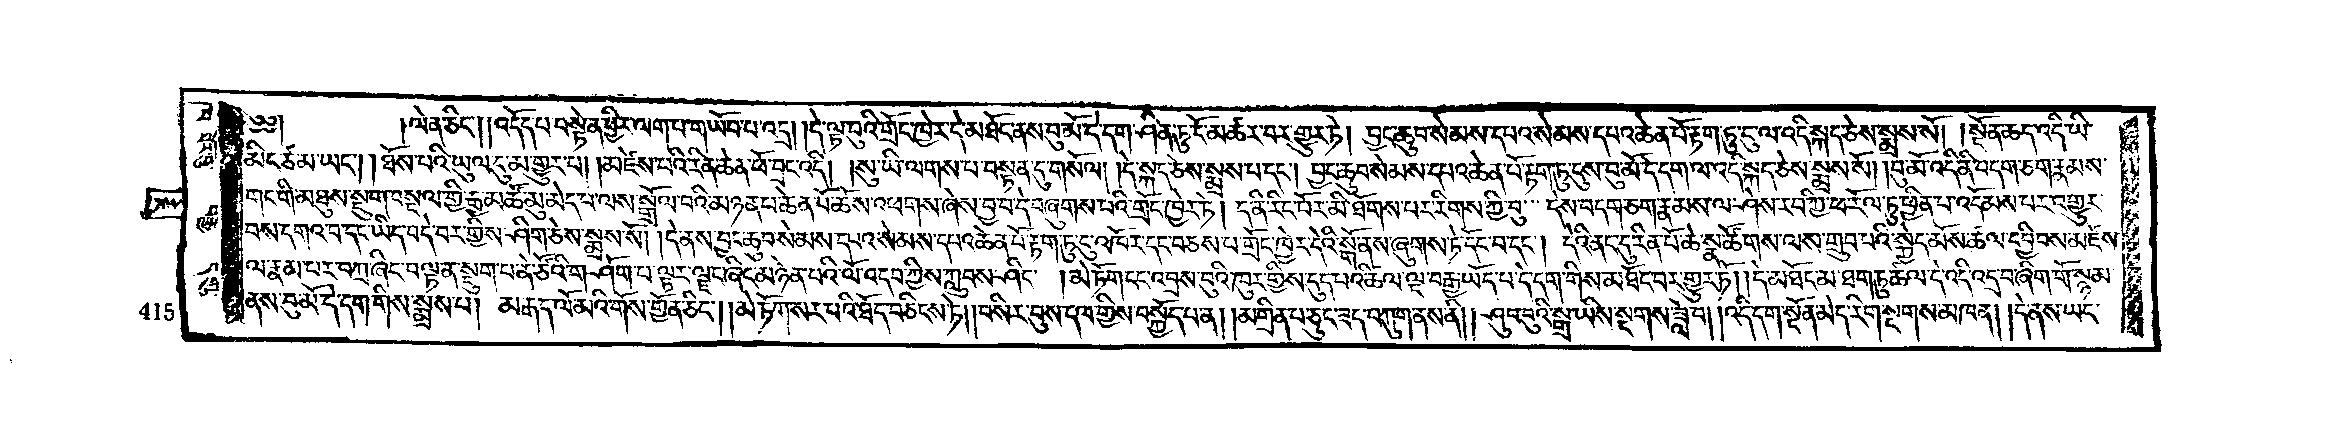༄༅། །ལེན་ཅིང་། །འདོད་པ་བསྟེན་ཕྱིར་ལག་པ་གཡོབ་པ་འདྲ། །དེ་ལྟ་བུའི་གྲོང་ཁྱེར་དེ་མཐོང་ནས་བུ་མོ་དེ་དག་ཤིན་ཏུ་ངོ་མཚར་བར་གྱུར་ཏེ། བྱང་ཆུབ་སེམས་དཔའ་སེམས་དཔའ་ཆེན་པོ་རྟག་ཏུ་ངུ་ལ་འདི་སྐད་ཅེས་སྨྲས་སོ། །སྔོན་ཆད་འདི་ཡི་
མིང་ཙམ་ཡང་། །ཐོས་པའི་ཡུལ་དུ་མ་གྱུར་པ། །མཛེས་པའི་རིན་ཆེན་ཕོ་བྲང་འདི། །སུ་ཡི་ལགས་པ་བསྟན་དུ་གསོལ། །དེ་སྐད་ཅེས་སྨྲས་པ་དང་། བྱང་ཆུབ་སེམས་དཔའ་ཆེན་པོ་རྟག་ཏུ་དུས་བུ་མོ་དེ་དག་ལ་འདི་སྐད་ཅེས་སྨྲས་སོ། །བུ་མོ་འདི་ནི་བདག་ཅག་རྣམས་
གང་གི་མཐུས་སྡུག་བསྔལ་གྱི་རྒྱ་མཚོ་མུ་མེད་པ་ལས་སྒྲོལ་བའི་མཉན་པ་ཆེན་པོ་ཆོས་འཕགས་ཞེས་བྱ་བ་དེ་བཞུགས་པའི་གྲོང་ཁྱེར་ཏེ། ད་ནི་རིང་པོར་མི་ཐོགས་པར་རིགས་ཀྱི་བུ་དེས་བདག་ཅག་རྣམས་ལ་ཤེས་རབ་ཀྱི་ཕ་རོལ་ཏུ་ཕྱིན་པ་འདོམས་པར་འགྱུར་
བས་དགའ་བ་དང་ཡིད་བདེ་བར་གྱིས་ཤིག་ཅེས་སྨྲས་སོ། །དེ་ནས་བྱང་ཆུབ་སེམས་དཔའ་སེམས་དཔའ་ཆེན་པོ་རྟག་ཏུ་ངུ་འཁོར་དང་བཅས་པ་གྲོང་ཁྱེར་དེའི་སྒོ་ནས་ཞུགས་ཏེ་དོང་བ་དང་། དེའི་ནང་དུ་རིན་པོ་ཆེ་སྣ་ཚོགས་ལས་གྲུབ་པའི་སྐྱེད་མོས་ཚལ་དབྱིབས་མཛེས་
ལ་རྣམ་པར་བཀྲ་ཞིང་བལྟ་ན་སྡུག་པ་ནེ་ཙོའི་གཤོག་པ་ལྟར་ལྗང་ཞིང་མཉེན་པའི་ལོ་འདབ་ཀྱིས་ཀླུབས་ཤིང་།མེ་ཏོག་དང་འབྲས་བུའི་ཁུར་གྱིས་དུད་པའི་ཚུལ་ལྔ་བརྒྱ་ཡོད་པ་དེ་དག་གིས་མཐོང་བར་གྱུར་ཏོ། །དེ་མཐོང་མ་ཐག་ཏུ་ཚལ་དེ་འདི་འདྲ་བ་ཞིག་གོ་སྙམ་
ནས་བུ་མོ་དེ་དག་གིས་སྨྲས་པ། མ་རྒད་ལོ་མའི་གོས་གྱོན་ཅིང་། །མེ་ཏོག་སར་པའི་ཐོད་བཅིངས་ཏེ། །བསིར་བུས་དལ་གྱིས་བསྐྱོད་པ་ན། །མགྲིན་པ་ཅུང་ཟད་བཀུག་ནས་ནི། །ཤུབ་བུའི་སྒྲ་ཡིས་སྔགས་ཟློ་བ། །འདི་དག་སྔོན་མེད་རིག་སྔགས་མཁན། །དེ་ནས་ཡང་